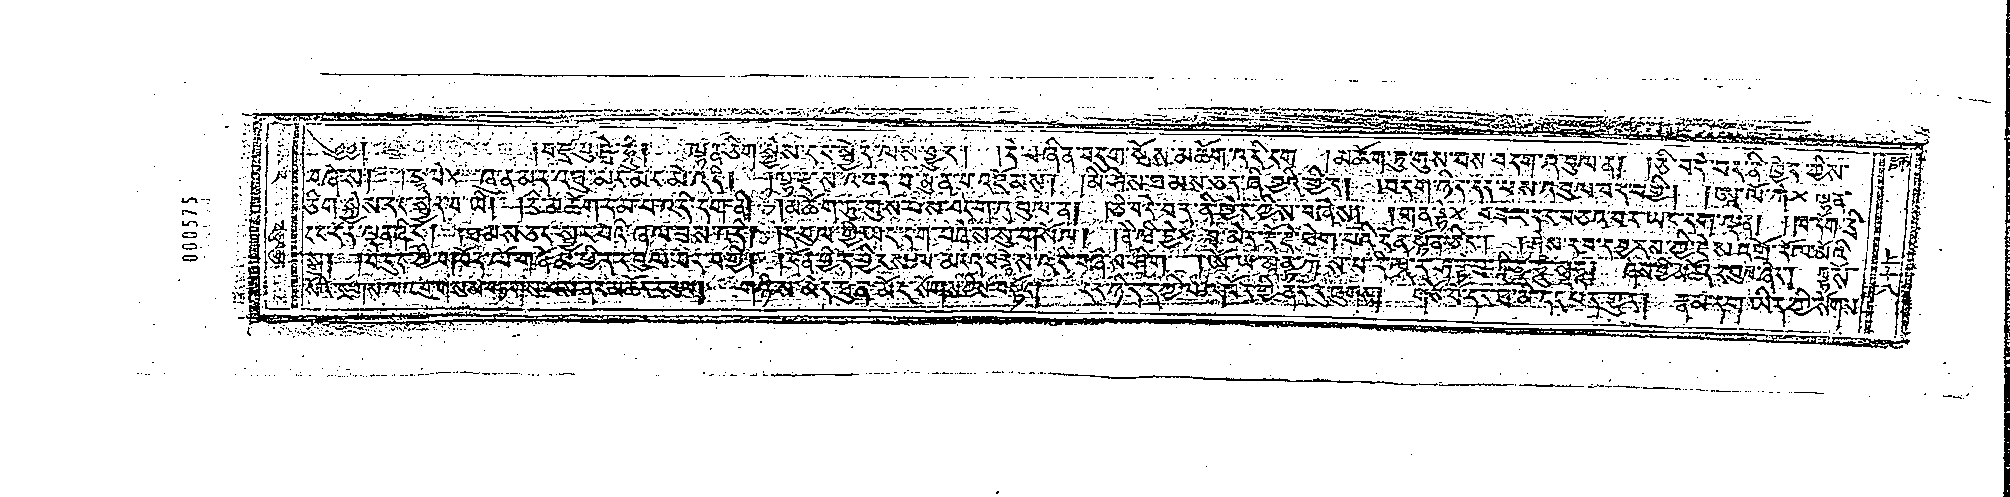༄༅། །བཛྲ་པུཥྤེ་ཧཱུཾ། ལྷན་ཅིག་སྐྱེས་དང་སྦྱོར་ལས་བྱུང་། །དེ་བཞིན་བདུག་སྤོས་མཆོག་འདི་དག །མཆོག་ཏུ་གུས་བས་བདག་འབུལ་ན། །ཅི་བདེ་བར་ནི་ཁྱེད་ཀྱིས་
བཞེས། །དྷཱ་པེ་྾་ཞུན་མར་འཐུ་མར་མར་མེ་འདི། །ལྷ་རྫས་འབར་བ་མུན་པ་འཇོམས། །མི་ཤེས་ཐམས་ཅད་ཞི་བྱའི་ཕྱིར། །བདག་ཉིད་དད་པས་འབུལ་བར་བགྱི། །ཨཱ་ལོ་ཀེ་྾་ལྷན་
ཅིག་སྐྱེས་དང་སྦྱར་བ་ཡི། །དྲི་མཆོག་དམ་པ་འདི་དག་ནི། །མཆོག་ཏུ་གུས་པས་བདག་འབུལ་ན། །ཅི་བདེ་བར་ནི་ཁྱེད་ཀྱིས་བཞེས། །གན་དྷེ་྾་བཟའ་དང་བཅའ་བར་ཡང་དག་ལྡན། །ཁ་དོག་དྲི་
དང་རོར་ལྡན་ཞིང་། །ཐམས་ཅད་སྦྱང་བའི་ཞལ་ཟས་འདི། དབུལ་གྱི་ཡང་དག་བཞེས་སུ་གསོལ། །ནཻ་ཝི་ཏྱེ་྾་བླ་མེད་རྡོ་རྗེ་ཐེག་པའི་དོན་སྟོན་ཅིང་། །ཤེས་རབ་དབྱངས་ཀྱི་རྗེས་འགྲོ་རོལ་མོའི་
སྒྲ། །བདུད་ཀྱི་འཁོར་ལོ་གཞོམ་ཕྱིར་དབུལ་བར་བགྱི། །དོན་གྱི་དབྱིངས་ལ་མངའ་བརྙེས་འདི་བཞེས་ཤིག །ཨོཾ་ཡ་མཱནྟ་ཀ་ས་པ་རི་ཝཱ་ར་ཤབཏ་བྲ་ཏཱིཙྪ་ཧཱུཾ་སྭཱ་ཧཱ། ཞེས་ཕྱི་མཆོད་དབུལ་ཞིང་། ལྷ་སོ་
སོའི་སྔགས་ལ་འབྲུ་གསུམ་བཏགས་པས་ནང་མཆོད་དབུལ། གཉིས་མེད་ཐུན་མོང་སོགས་ཀྱིས་བསྟོད། རང་ཉིད་དཀྱིལ་འཁོར་གྱི་ནད་དུ་ཞུགས། གཙོ་བོ་དང་ཐ་མི་དད་པར་གྱུར། རྣམ་དག་ཡིད་ཀྱི་སོགས་